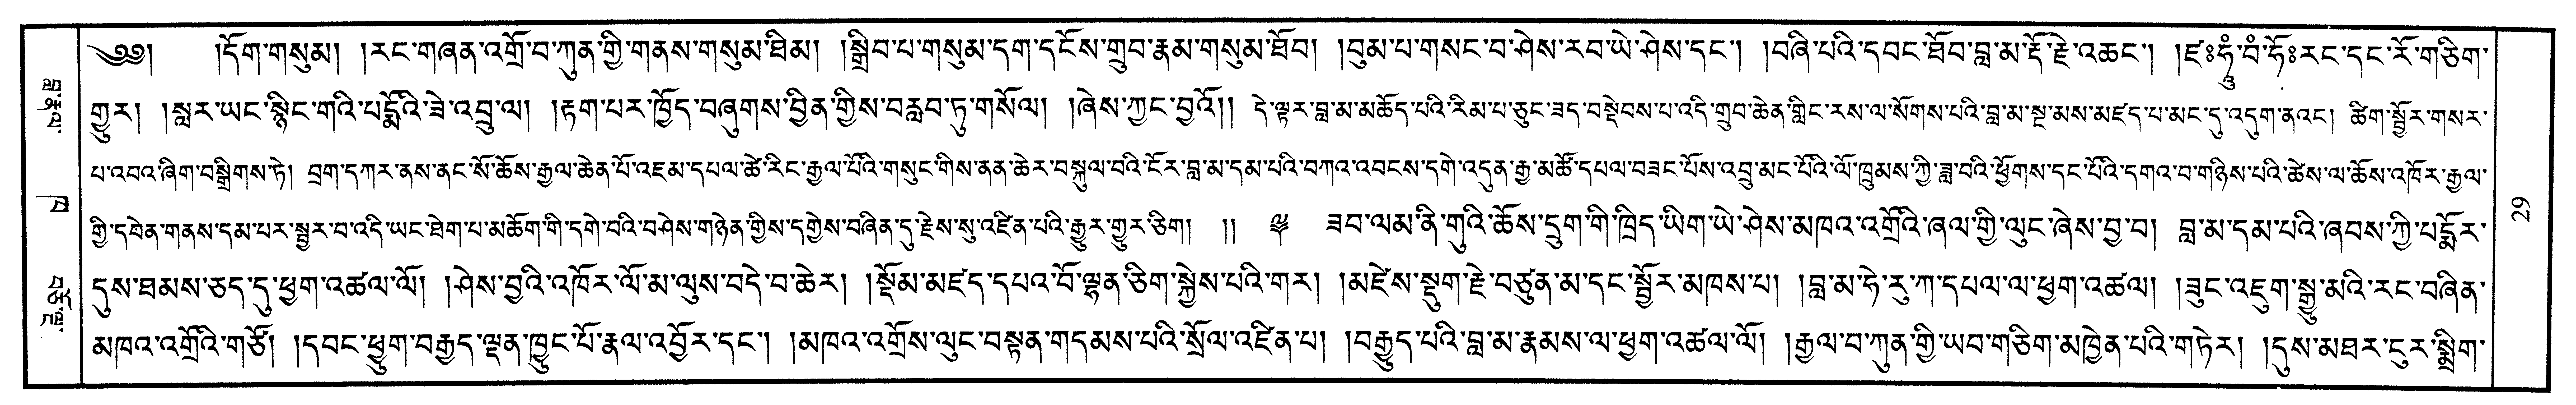༄༅། །དོག་གསུམ། །རང་གཞན་འགྲོ་བ་ཀུན་གྱི་གནས་གསུམ་ཐིམ། །སྒྲིབ་པ་གསུམ་དག་དངོས་གྲུབ་རྣམ་གསུམ་ཐོབ། །བུམ་པ་གསང་བ་ཤེས་རབ་ཡེ་ཤེས་དང་། །བཞི་པའི་དབང་ཐོབ་བླ་མ་རྡོ་རྗེ་འཆང་། །ཛཿ ཧཱུཾ་བཾ་ཧོཿ རང་དང་རོ་གཅིག་
གྱུར། །སླར་ཡང་སྙིང་གའི་པདམོའི་ཟེ་འབྲུ་ལ། །རྟག་པར་ཁྱོད་བཞུགས་བྱིན་གྱིས་བརླབ་ཏུ་གསོལ། །ཞེས་ཀྱང་བྱའོ།། དེ་ལྟར་བླ་མ་མཆོད་པའི་རིམ་པ་ཅུང་ཟད་བསྡེབས་པ་འདི་གྲུབ་ཆེན་གླིང་རས་ས་སོགས་པའི་བླ་མ་སྔ་མས་མཛད་པ་མང་དུ་འདུག་ནའང་། ཚིག་སྦྱོར་གསར་
པ་འབའ་ཞིག་བསྒྲིགས་ཏེ། བྲག་དཀར་ནས་ནང་སོ་ཆོས་རྒྱལ་ཆེན་པོ་འཇམ་དཔལ་ཚེ་རིང་རྒྱལ་པོའི་གསུང་གིས་ནན་ཆེར་བསྐུལ་བའི་ངོར་བླ་མ་དམ་པའི་བཀའ་འབངས་དགེ་འདུན་རྒྱ་མཚོ་དཔལ་བཟང་པོས་འབྲུ་མང་པོའི་ལོ་ཁྲུམས་ཀྱི་ཟླ་བའི་ཕྱོགས་དང་པོའི་དགའ་བ་གཉིས་པའི་ཚེས་ལ་ཆོས་འཁོར་རྒྱལ་
གྱི་དབེན་གནས་དམ་པར་སྦྱར་བ་འདི་ཡང་ཐེག་པ་མཆོག་གི་དགེ་བའི་བཤེས་གཉེན་གྱིས་དགྱེས་བཞིན་དུ་རྗེས་སུ་འཛིན་པའི་རྒྱུར་གྱུར་ཅིག། །། ༈ ཟབ་ལམ་ནི་གུའི་ཆོས་དྲུག་གི་ཁྲིད་ཡིག་ཡེ་ཤེས་མཁའ་འགྲོའི་ཞལ་གྱི་ལུང་ཞེས་བྱ་བ། །བླ་མ་དམ་པའི་ཞབས་ཀྱི་པདམོར་
དུས་ཐམས་ཅད་དུ་ཕྱག་འཚལ་ལོ། །ཤེས་བྱའི་འཁོར་ལོ་མ་ལུས་བདེ་བ་ཆེར། །སྡོམ་མཛད་དཔའ་བོ་ལྷན་ཅིག་སྐྱེས་པའི་གར། །མཛེས་སྡུག་རྗེ་བཙུན་མ་དང་སྦྱོར་མཁས་པ། །བླ་མ་ཧེ་རུ་ཀ་དཔལ་ལ་ཕྱག་འཚལ། །ཟུང་འཇུག་སྒྱུ་མའི་རང་བཞིན་
མཁའ་འགྲོའི་གཙོ། །དབང་ཕྱུག་བརྒྱད་ལྡན་ཁྱུང་པོ་རྣལ་འབྱོར་དང་། །མཁའ་འགྲོས་ལུང་བསྟན་གདམས་པའི་སྲོལ་འཛིན་པ། །བརྒྱུད་པའི་བླ་མ་རྣམས་ལ་ཕྱག་འཚལ་ལོ། །རྒྱལ་བ་ཀུན་གྱི་ཡབ་གཅིག་མཁྱེན་པའི་གཏེར། །དུས་མཐར་ངུར་སྨྲིག་